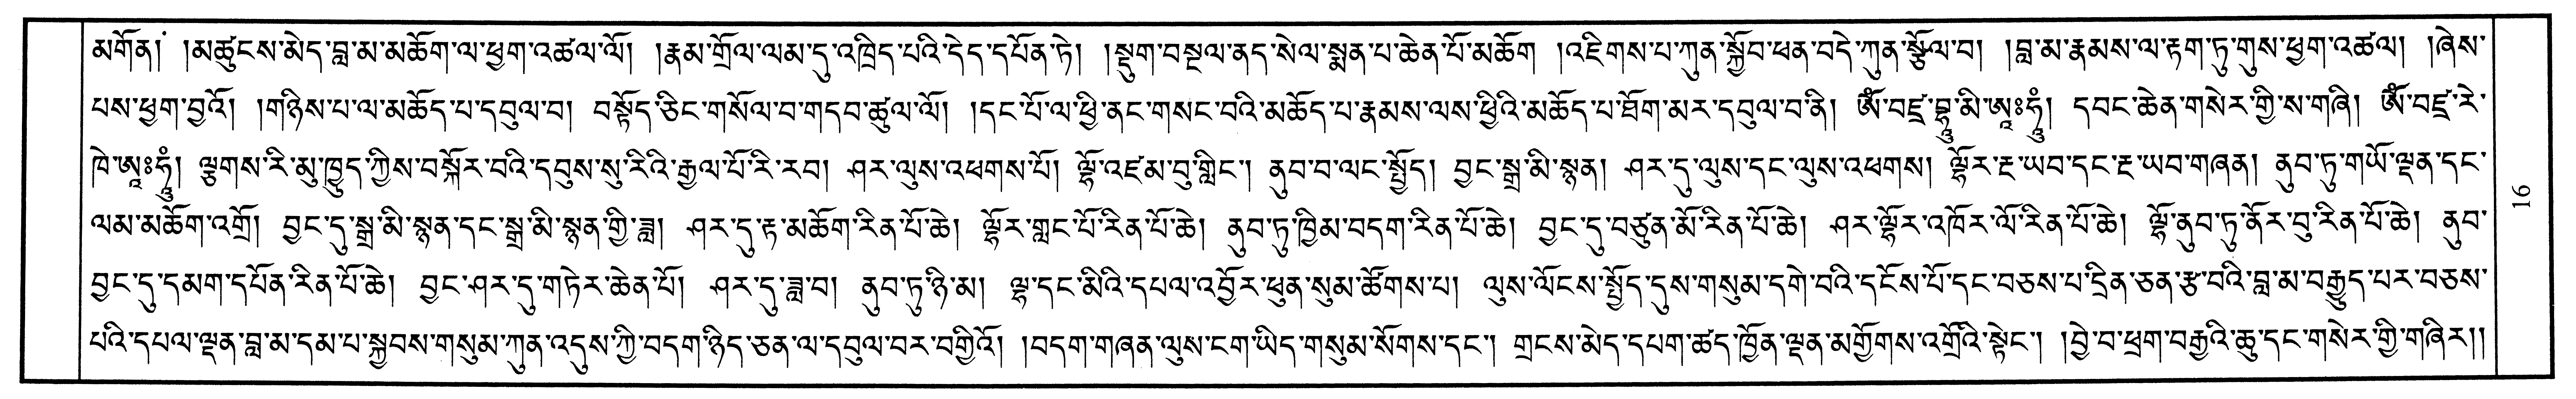མགོན། །མཚུངས་མེད་བླ་མ་མཆོག་ལ་ཕྱག་འཚལ་ལོ། །རྣམ་གྲོལ་ལམ་དུ་འཁྲིད་པའི་དེད་དཔོན་ཏེ། །སྡུག་བསྔལ་ནད་སེལ་སྨན་པ་ཆེན་པོ་མཆོག །འཇིགས་པ་ཀུན་སྐྱོབ་ཕན་བདེ་ཀུན་སྩོལ་བ། །བླ་མ་རྣམས་ལ་རྟག་ཏུ་གུས་ཕྱག་འཚལ། །ཞེས་
པས་ཕྱག་བྱའོ། །གཉིས་པ་ལ་མཆོད་པ་དབུལ་བ། བསྟོད་ཅིང་གསོལ་བ་གདབ་ཚུལ་ལོ། །དང་པོ་ལ་ཕྱི་ནང་གསང་བའི་མཆོད་པ་རྣམས་ལས་ཕྱིའི་མཆོད་པ་ཐོག་མར་དབུལ་བ་ནི། ཨོཾ་བཛྲ་བྷཱུ་མི་སཱཿ ཧཱུཾ། དབང་ཆེན་གསེར་གྱི་ས་གཞི། ཨོཾ་བཛྲ་རེ་
ཁེ་ཨཱཿ ཧཱུཾ། ལྕགས་རི་མུ་ཁྱུད་ཀྱིས་བསྐོར་བའི་དབུས་སུ་རིའི་རྒྱལ་པོ་རི་རབ། ཤར་ལུས་འཕགས་པོ། ལྷོ་འཛམ་བུ་གླིང་། ནུབ་བ་ལང་སྤྱོད། བྱང་སྒྲ་མི་སྙན། ཤར་དུ་ལུས་དང་ལུས་འཕགས། ལྷོར་རྔ་ཡབ་དང་གཞན། ནུབ་ཏུ་གཡོ་ལྡན་དང་
ལམ་མཆོག་འགྲོ། བྱང་དུ་སྒྲ་མི་སྙན་དང་སྒྲ་མི་སྙན་གྱི་ཟླ། ཤར་དུ་རྟ་མཆོག་རིན་པོ་ཆེ། ལྷོར་གླང་པོ་རིན་པོ་ཆེ། ནུབ་ཏུ་ཁྱིམ་བདག་རིན་པོ་ཆེ། བྱང་དུ་བཙུན་མོ་རིན་པོ་ཆེ། ཤར་ལྷོར་འཁོར་ལོ་རིན་པོ་ཆེ། ལྷོ་ནུབ་ཏུ་ནོར་བུ་རིན་པོ་ཆེ། ནུབ་
བྱང་དུ་དམག་དཔོན་རིན་པོ་ཆེ། བྱང་ཤར་དུ་གཏེར་ཆེན་པོ། ཤར་དུ་ཟླ་བ། ནུབ་ཏུ་ཉི་མ། ལྷ་དང་མིའི་དཔལ་འབྱོར་ཕུན་སུམ་ཚོགས་པ། ལུས་ལོངས་སྤྱོད་དུས་གསུམ་དགེ་བའི་དངོས་པོ་དང་བཅས་པ་དྲིན་ཅན་རྩ་བའི་བླ་མ་བརྒྱུད་པར་བཅས་
པའི་དཔལ་ལྡན་བླ་མ་དམ་པ་སྐྱབས་གསུམ་ཀུན་འདུས་ཀྱི་བདག་ཉིད་ཅན་ལ་དབུལ་བར་བགྱིའོ། །བདག་གཞན་ལུས་ངག་ཡིད་གསུམ་སོགས་དང་། གྲངས་མེད་དཔག་ཚད་ཁྱོན་ལྡན་མགྱོགས་འགྲོའི་སྟེང་། །བྱེ་བ་ཕྲག་བརྒྱའི་ཆུ་དང་གསེར་གྱི་གཞིར།།